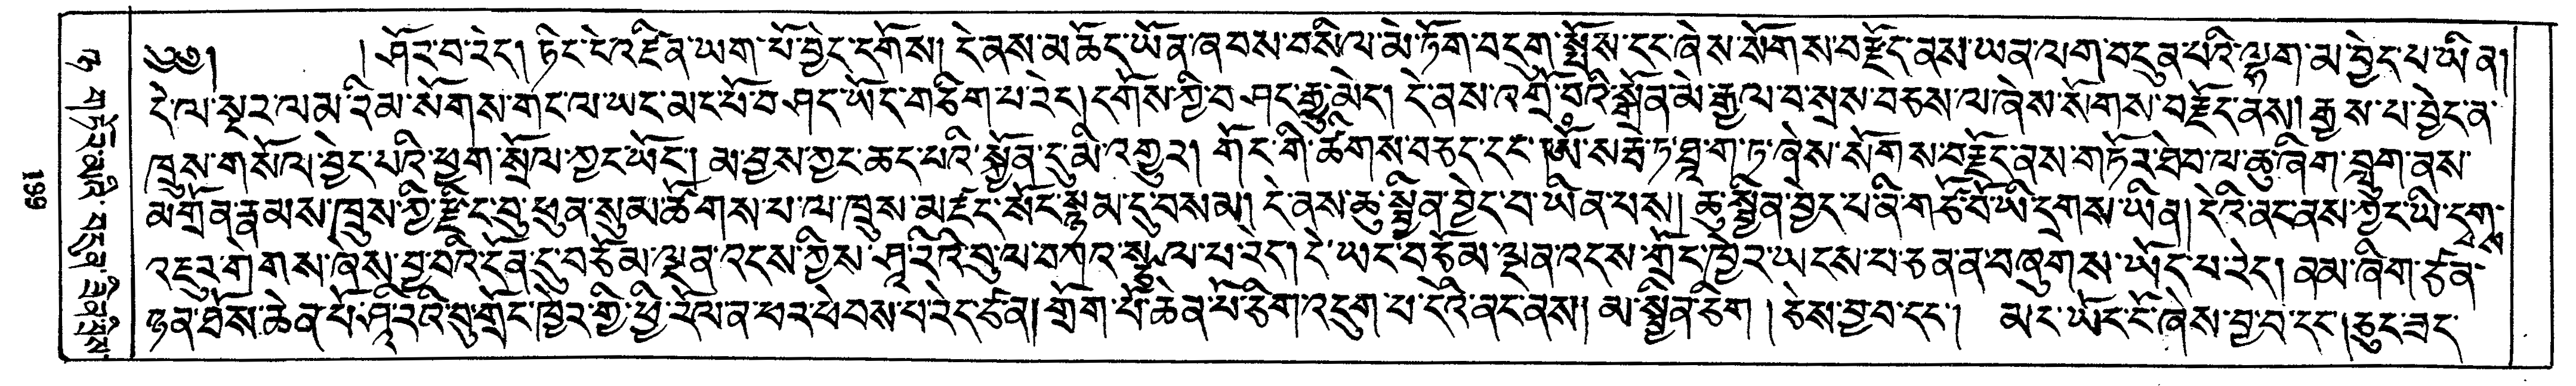༄༅། །ཤོར་བ་རེད། ཏིང་ངེ་འཛིན་ཡག་པོ་བྱེད་དགོས། དེ་ནས་མཆོད་ཡོན་ཞབས་བསིལ་མེ་ཏོག་བདུག་སྤོས་དང་ཞེས་སོགས་བརྗོད་ནས་ཡན་ལག་བདུན་པའི་ལྷག་མ་བྱེད་པ་ཡིན།
དེ་ལ་སྔར་ལམ་རིམ་སོགས་གང་ལ་ཡང་མང་པོ་བཤད་ཡོད་གཅིག་པ་རེད། དགོས་ཀྱི་བཤད་རྒྱུ་མེད། དེ་ནས་འགྲོ་བའི་སྒྲོན་མེ་རྒྱལ་བ་སྲས་བཅས་ལ་ཞེས་སོགས་བརྗོད་ནས། རྒྱས་པ་བྱེད་ན་
ཁྲུས་གསོལ་བྱེད་པའི་ཕྱག་སྲོལ་ཀྱང་ཡོད། མ་བྱས་ཀྱང་ཆད་པའི་སྐྱོན་དུ་མི་འགྱུར། གོང་གི་ཚིགས་བཅད་དང་ཨོཾ་སརྦ་ཏ་ཐཱ་ག་ཏ་ཞེས་སོགས་བརྗོད་ནས་གཏོར་ཐེབ་ལ་ཆུ་ཞིག་བླུག་ནས་
མགྲོན་རྣམས་ཁྲུས་ཀྱི་རྫིང་བུ་ཕུན་སུམ་ཚོགས་པ་ལ་ཁྲུས་མཛད་སོང་སྙམ་དུ་བསམ། དེ་ནས་ཆུ་སྦྱིན་བྱེད་པ་ཡིན་པས། ཆུ་སྦྱིན་བྱེད་པ་ནི་གཙོ་བོ་ཡི་དྭགས་ཡིན། དེའི་ནང་ནས་ཀྱང་ཡི་དྭགས་
འཇུར་གེགས་ཞེས་བྱ་བའི་དོན་དུ་བཅོམ་ལྡན་འདས་ཀྱིས་ཤཱ་རིའི་བུ་ལ་བཀའ་སྩལ་པ་རེད། དེ་ཡང་བཅོམ་ལྡན་འདས་གྲོང་ཁྱེར་ཡངས་པ་ཅན་ན་བཞུགས་ཡོད་པ་རེད། ནམ་ཞིག་ཙན་
ཉན་ཐོས་ཆེན་པོ་ཤཱ་རིའི་བུ་གྲོང་ཁྱེར་གྱི་ཕྱི་རོལ་ན་ཕར་ཕེབས་པ་རེད་ཙ་ན། གྲོག་པོ་ཆེན་པོ་ཅིག་འདུག་པ་དེའི་ནང་ནས། མ་སྦྱིན་ཅིག །ཅེས་བྱ་བ་དང་། མང་ཡོང་ངོ་ཞེས་བྱ་བ་དང་། ཅུང་ཟད་